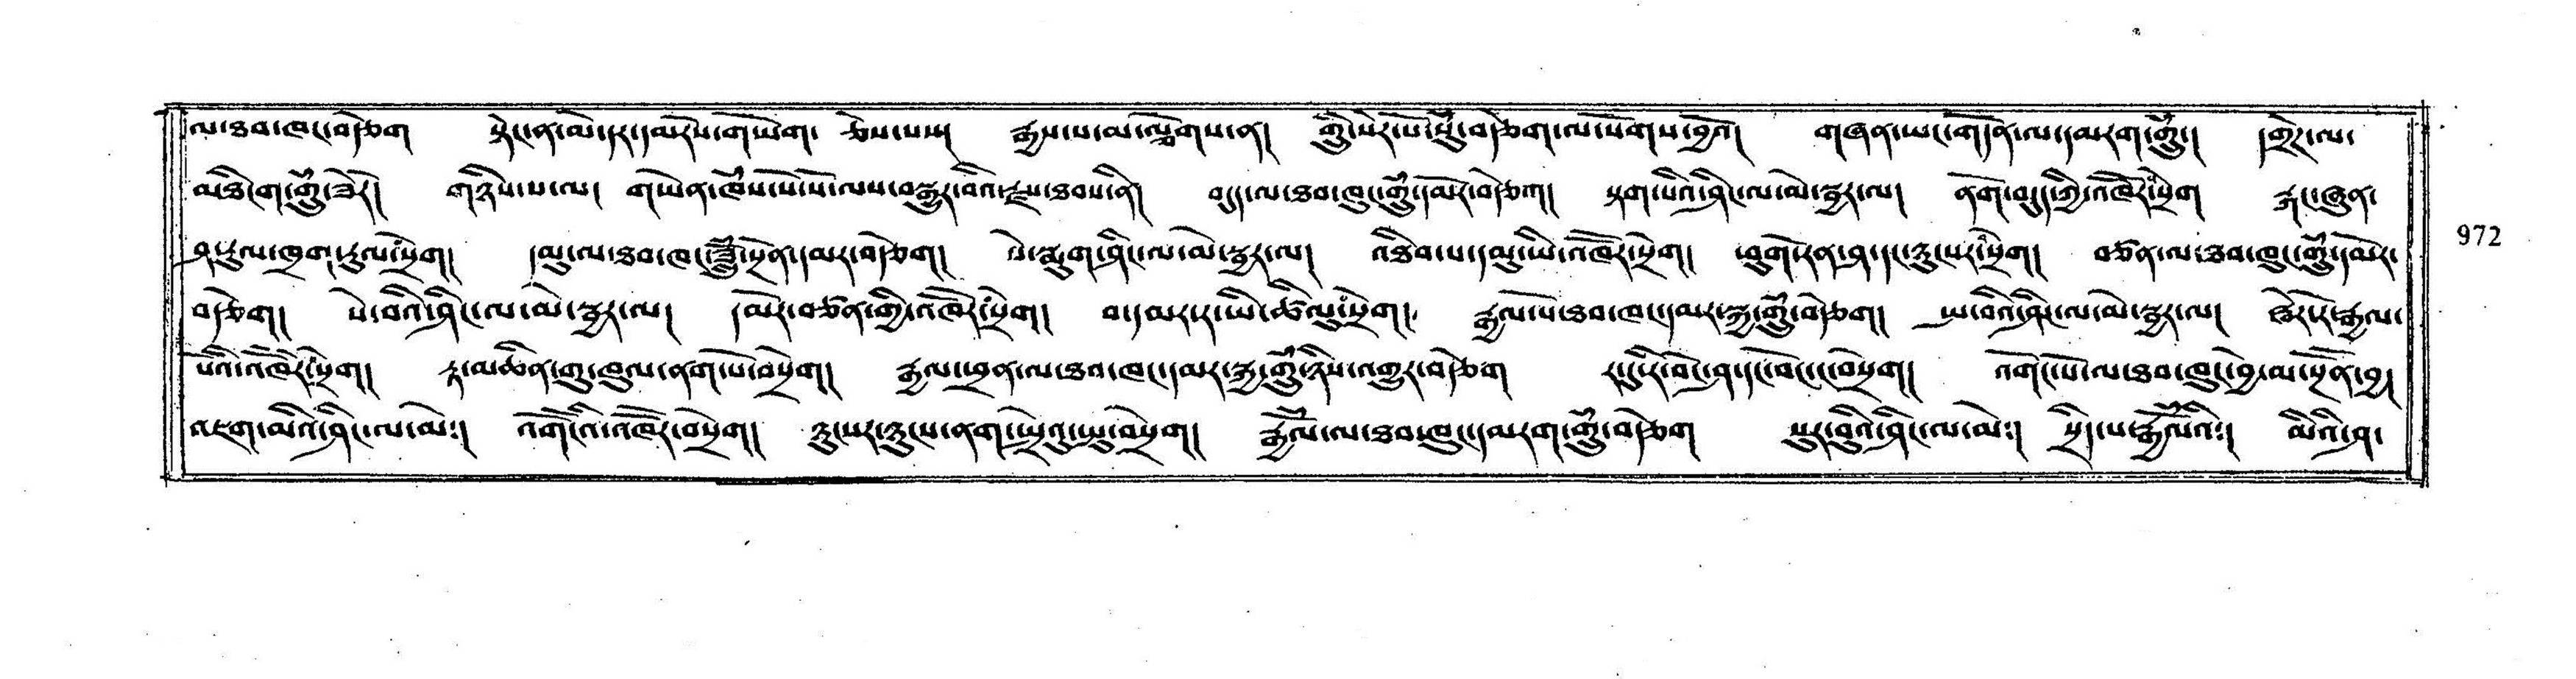ལ་ཐབ་ཁང་བརྩེག སྟེང་ན་མེ་དར་དམར་པོས་གཡོགས། ཅེས་པས། རྒྱས་པ་མ་ལྕོགས་ན། གྲུ་བཞི་སེར་པོ་སུཾ་བརྩེག་ལ་སོགས་བྱའོ། གཞན་ཡང་གདོན་ལ་དམར་ནག་གྲུ་གསུམ། དགྲ་བགེགས་ལ་
མཐིང་ནག་གྲུ་གསུམ་ཟེར་རོ། །གཉིས་པ་ལ། གཡེན་ཁམས་སོ་སོ་ལས་བསྒྱུར་བའི་རྫས་ཐབས་ནི། བདུད་ལ་ཐབ་ཁུང་གྲུ་གསུམ་དམར་པོ་བརྩེགས། སྟག་པའི་ཤིང་ལ་མེ་སྦྱར་ལ། ནག་པོ་བདུད་ཀྱི་འཁོར་ལོ་སྲེག རྐང་ཞུན་
ཤ་རུལ་ཁྲག་རུལ་སྲེག དམུ་ལ་ཐབ་ཁང་ཟླུམ་པོ་སྔོན་དམར་བརྩེག བེ་སྨུག་ཤིང་ལ་མེ་སྦྱར་ལ། འཐིབ་པ་དམུ་ཡི་འཁོར་ལོ་སྲེག ཕུག་རོན་ཤ་དང་ཉུངས་དཀར་སྲེག བཙན་ལ་ཐབ་ཁུང་གྲུ་གསུམ་དམར་པོ་
བརྩེག སེ་བའི་ཤིང་ལ་མེ་སྦྱར་ལ། དམར་པོ་བཙན་གྱི་འཁོར་ལོ་སྲེག བ་དམར་ར་ཡི་ཚིལ་བུ་སྲེག རྒྱལ་པོ་ཐབ་ཁང་དམར་སྐྱ་གྲུ་གསུམ་བརྩེག སྤ་བའི་ཤིང་ལ་མེ་སྦྱར་ལ། ཝེར་རོ་རྒྱལ་
པོའི་འཁོར་ལོ་སྲེག རྟ་མཆིན་གུ་ཁུལ་ནག་པོ་བསྲེག རྒྱལ་ཕྲན་ལ་ཐབ་ཁང་དམར་སྐྱ་གྲུ་གསུམ་ཉིས་འགྱུར་བརྩེག ར་དུ་རི་བོང་ཤ་དང་བོང་ང་བསྲེག འགོང་པོ་ལ་ཐབ་ཁུང་བྱེ་མ་སྔོན་པོ་བྱ། 
འཇག་མའི་ཤིང་ལ་མེ༴། འགོང་པོའི་འཁོར་ལོ་བསྲེག ཉུངས་དཀར་ཉུངས་ནག་སྤྲེའུ་སྤུ་བསྲེག རྒྱལ་མོ་ལ་ཐབ་ཁུང་དམར་ནག་གྲུ་གསུམ་བརྩེག སུར་བུའི་ཤིང་ལ་མེ༴། སྲིད་པ་རྒྱལ་མོའི༴། མིའི་ཤ་